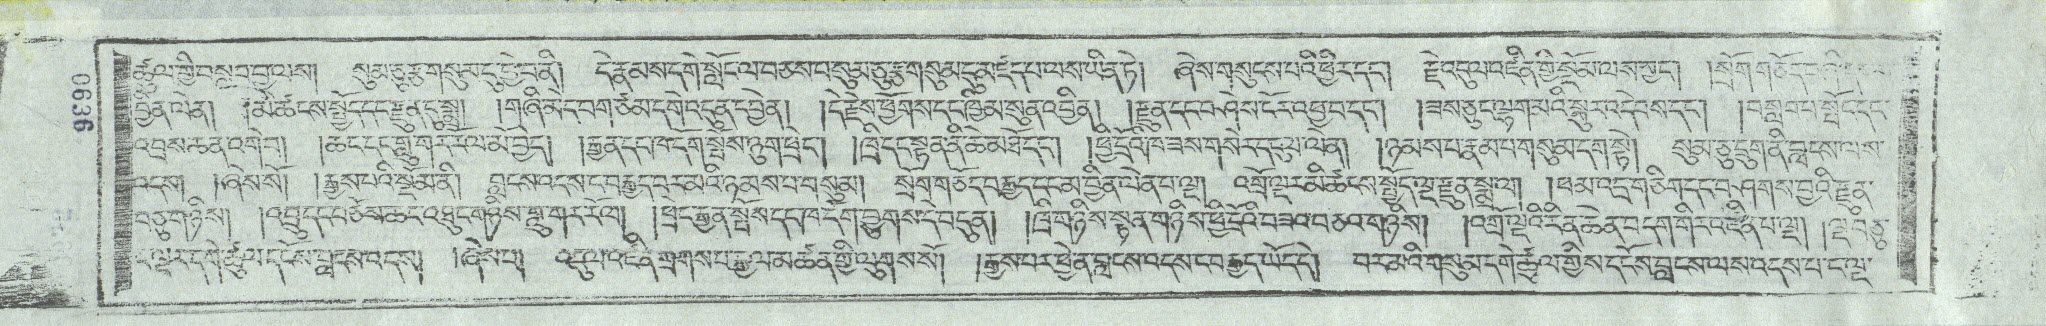ཚུལ་གྱི་བསླབ་བྱ་ལས། སུམ་ཅུ་རྩ་གསུམ་དུ་བྱེ་བ་ནི། དེ་རྣམས་དགེ་སློང་ལ་བཅས་པ་སུམ་ཅུ་རྩ་གསུམ་དུ་མཛད་པ་ལས་ཡིན་ཏེ། ཞེས་གསུངས་པའི་ཕྱིར་དང་། རྗེ་འདུལ་འཛིན་གྱི་སྡོམ་ལས་ཀྱང་། །སྲོག་གཅོད་བཞི་དང་མ་
བྱིན་ལེན། །མི་ཚངས་སྤྱོད་དང་རྫུན་དུ་སྨྲ། །གཞི་མེད་བག་ཙམ་དགེ་འདུན་དབྱེ་ན། །དེ་རྗེས་ཕྱོགས་དང་ཁྱིམ་སུན་འབྱིན། །རྫུན་དང་བཤེས་ངོར་འཕྱ་བ་དང་། །ཟས་ཅུང་ལྷག་མའི་སྐུར་འདེབས་དང་། །བསླབ་པ་སྤོང་དང་
འབྲས་ཆན་འགེབ། །ཆང་དང་གླུ་གར་རོལ་མོ་བྱེད། །རྒྱན་དང་ཁ་དོག་སྤོས་ཉུག་ཕྲེང་། །ཁྲི་དང་སྟན་ནི་ཆེ་མཐོ་དང་། །ཕྱི་དྲོའི་ཁ་ཟས་གསེར་དངུལ་ལེན། །ཉམས་པ་རྣམ་པ་གསུམ་དག་སྟེ། སུམ་ཅུ་དྲུག་ནི་བླངས་ལས་
འདས། །ཞེས་སོ། །རྒྱས་པའི་སྡོམ་ནི། བླངས་འདས་ང་བརྒྱད་བར་མའི་ཉམས་པ་གསུམ། སྲོག་གཅོད་བརྒྱད་དང་མ་བྱིན་ལེན་པ་ལྔ། འགྲོ་ལྔར་མི་ཚངས་སྤྱོད་ལྔ་རྫུན་སྨྲ་ལ། །ཕ་མ་འདྲ་གཅིག་དང་བཤགས་བྱའི་རྫུན་
བཅུ་གཉིས། །འབྲུ་དང་བཅོས་ཆང་འཐུང་གཉིས་གླུ་གར་རོལ། །ཕྲེང་རྒྱན་སྤོས་དང་ཁ་དོག་བྱུགས་དེ་བདུན། །ཁྲི་གཉིས་སྟན་གཉིས་ཕྱི་དྲོའི་བཟའ་བཅའ་གཉིས། །འགྲོ་ལྔའི་རིན་ཆེན་བདག་གིར་འཛིན་པ་ལྔ། །ལྔ་བཅུ་
ང་ལྔར་དགེ་ཚུལ་དངོས་བླངས་འདས། །ཞེས་པ། འདུལ་འཛིན་གྲགས་པ་རྒྱལ་མཚན་གྱི་ལུགས་སོ། །རྒྱས་པར་ཕྱེ་ན་བླངས་འདས་ང་བརྒྱད་ཡོད་དེ། བར་མའི་གསུམ་དགེ་ཚུལ་གྱིས་དངོས་བླངས་ལས་འདས་པ་ང་ལྔ་